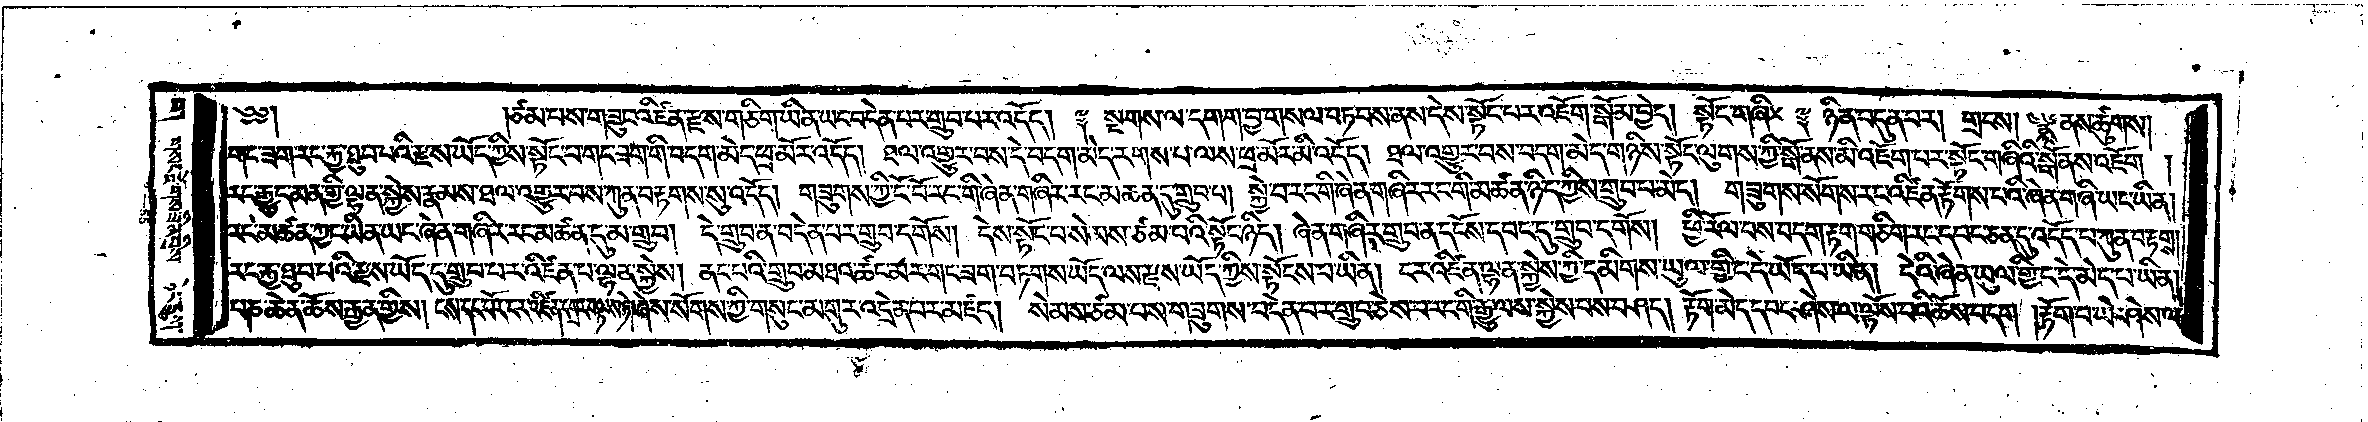༄༅། །ཙམ་པས་གཟུང་འཛིན་རྫས་གཅིག་ཡིན་ཡང་བདེན་པར་གྲུབ་པར་འདོད། ༈ སྔགས་ལ་དགག་བྱ་གསལ་བཏབས་ནས་དེས་སྟོང་པར་འཇོག་སྒོམ་བྱེད། སྟོང་གཞི྾་༈ ཉིན་བདུན་པར། གྲངས། ༤༦ན༣་ནས་ཚུགས།
གང་ཟག་རང་རྐྱ་ཐུབ་པའི་རྫས་ཡོད་ཀྱིས་སྟོང་པ་གང་ཟག་གི་བདག་མེད་ཕྲ་མོར་འདོད། ཐལ་འགྱུར་བས་དེ་བདག་མེད་རགས་པ་ལས་ཕྲ་མོར་མི་འདོད། ཐལ་འགྱུར་བས་བདག་མེད་གཉིས་སྟོང་ལུགས་ཀྱི་སྒོ་ནས་མི་འཇོག་པར་སྟོང་གཞིའི་སྒོ་ནས་འཇོག །
རང་རྒྱུད་མན་གྱི་ལྷན་སྐྱེས་རྣམས་ཐལ་འགྱུར་བས་ཀུན་བརྟགས་སུ་འདོད། གཟུགས་ཀྱི་ངོ་བོ་རང་གི་ཞེན་གཞིར་རང་མཆན་དུ་གྲུབ་པ། སྐྱེ་བ་རང་གི་ཞེན་གཞིར་རང་གི་མཚན་ཉིད་ཀྱིས་གྲུབ་པ་མེད། གཟུགས་སོགས་རང་འཛིན་རྟོགས་པའི་ཞེན་གཞི་ཡང་ཡིན།
རང་མཚན་ཀྱང་ཡིན་ཡང་ཞེན་གཞིར་རང་མཚན་དུ་མ་གྲུབ། དེ་གྲུབ་ན་བདེན་པར་གྲུབ་དགོས། དེས་སྟོང་པ་སེམས་ཙམ་པའི་སྟོང་ཉིད། ཞེན་གཞིར་གྲུབ་ན་དངོས་དབང་དུ་གྲུབ་དགོས། ཕྱི་རོལ་པས་བདག་རྟག་གཅིག་རང་དབང་ཅན་དུ་འདོད་པ་ཀུན་བརྟགས།
རང་རྒྱ་ཐུབ་པའི་རྫས་ཡོད་དུ་གྲུབ་པར་འཛིན་པ་ལྷན་སྐྱེས། ནང་པའི་གྲུབ་མཐའ་ཚང་མར་གང་ཟག་བཏགས་ཡོད་ལས་རྫས་ཡོད་ཀྱིས་སྟོངས་པ་ཡིན། ངར་འཛིན་ལྷན་སྐྱེས་ཀྱི་དམིགས་ཡུལ་གྱི་ང་དེ་ཡོད་པ་ཡིན། དེའི་ཞེན་ཡུལ་གྱི་ང་དེ་མེད་པ་ཡིན།
པཎ་ཆེན་ཆོས་རྒྱན་གྱིས། ངས་དང་པོར་ངར་འཛིན་དགྲར་བལྟས། ཞེས་སོགས་ཀྱི་གསུང་མགུར་འདྲེན་པར་མཛད། སེམས་ཙམ་པས་གཟུགས་བདེན་བར་གྲུབ་ཅེས་པ་རང་གི་རྒྱུ་ལས་སྐྱེས་པས་བཤད། རྟོག་མེད་དབང་ཤེས་ལ་ལྟོས་པའི་ཆོས་བདག །རྟོག་པ་ཡེ་ཤེས་ལ་